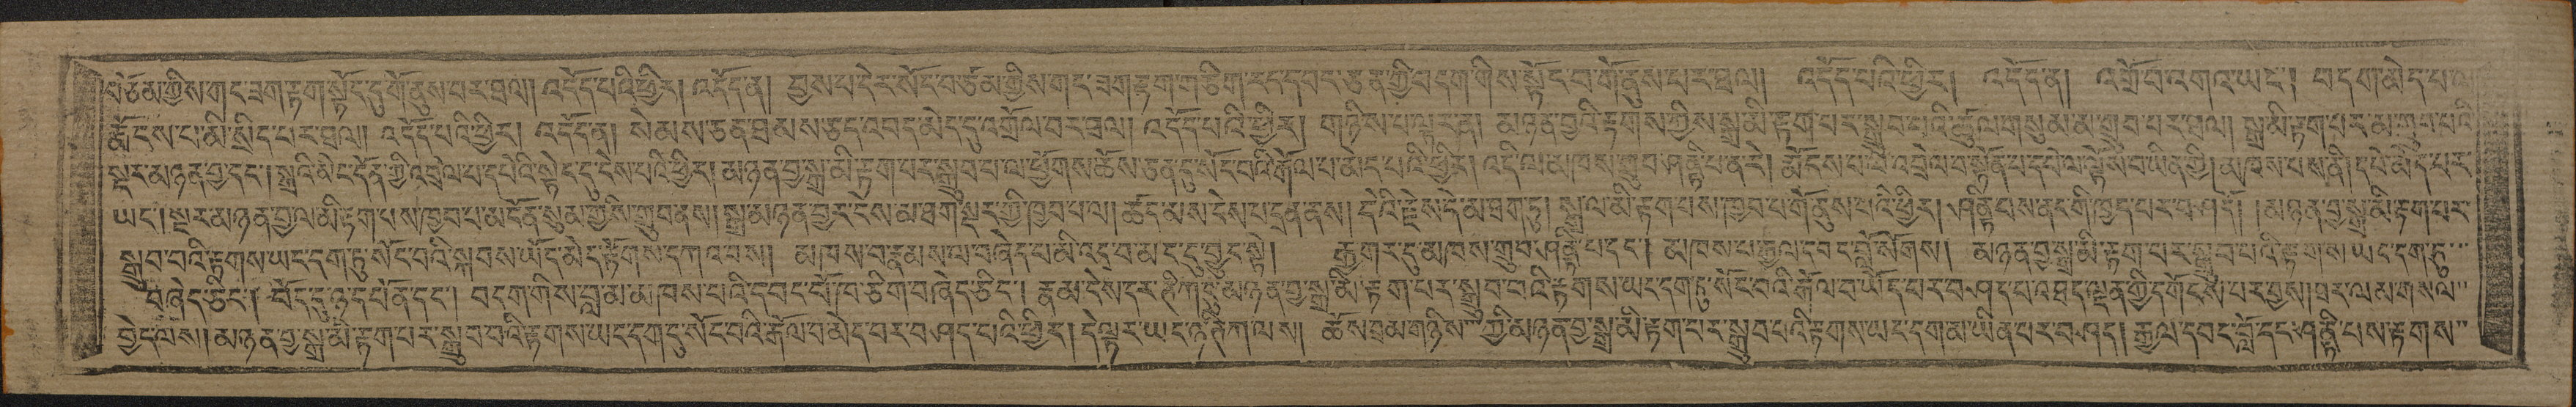བ་ཙམ་གྱིས་གང་ཟག་རྟག་སྟོང་དུ་གོ་ནུས་པར་ཐལ། འདོད་པའི་ཕྱིར། འདོད་ན། བྱས་པ་དེར་སོང་བ་ཙམ་གྱིས་གང་ཟག་རྟག་གཅིག་རང་དབང་ཅན་གྱི་བདག་གིས་སྟོང་བ་གོ་ནུས་པར་ཐལ། འདོད་པའི་ཕྱིར། འདོད་ན། འགྲོ་བ་འགའ་ཡང་། བདག་མེད་པ་ལ་
རྨོངས་པ་མི་སྲིད་པར་ཐལ། འདོད་པའི་ཕྱིར། འདོད་ན། སེམས་ཅན་ཐམས་ཅད་འབད་མེད་དུ་གྲོལ་བར་ཐལ། འདོད་པའི་ཕྱིར། གཉིས་པ་ལྟར་ན། མཉན་བྱའི་རྟགས་ཀྱིས་སྒྲ་མི་རྟག་པར་སྒྲུབ་པའི་ཚུལ་གསུམ་མ་གྲུབ་པར་ཐལ། སྒྲ་མི་རྟག་པར་མ་གྲུབ་པའི་
སྔར་མཉན་བྱ་དང་། སྒྲའི་མིང་དོན་གྱི་འབྲེལ་པ་དཔེའི་སྟེང་དུ་ངེས་པའི་ཕྱིར། མཉན་བྱ་སྒྲ་མི་རྟག་པར་སྒྲུབ་པ་ལ་ཕྱོགས་ཆོས་ཅན་དུ་སོང་བའི་རྒོལ་པ་མེད་པའི་ཕྱིར། འདི་ལ་མཁས་གྲུབ་ཤནྟི་པ་ན་རེ། རྨོངས་པ་ལ་འབྲེལ་བ་སྟོན་པ་དཔེ་ལ་ལྟོས་བ་ཡིན་གྱི། མཁས་པས་ནི། དཔེ་མེད་པར་
ཡང་། སྔར་མཉན་བྱ་ལ་མི་རྟག་པས་ཁྱབ་པ་མངོན་སུམ་གྱིས་གྲུབ་ནས། སྒྲ་མཉན་བྱར་ངེས་མ་ཐག་སྔར་གྱི་ཁྱབ་པ་ལ། ཚད་མས་ངེས་པ་དྲན་ནས། དེའི་རྗེས་དེ་མ་ཐག་ཏུ། སྒྲ་ལ་མི་རྟག་པས་ཁྱབ་པ་གོ་ནུས་པའི་ཕྱིར། ཤནྟི་པས་ནང་གི་ཁྱད་པར་བཤད་དོ། །མཉན་བྱ་སྒྲ་མི་རྟག་པར་
སྒྲུབ་པའི་རྟགས་ཡང་དག་ཏུ་སོང་བའི་སྐབས་ཡོད་མེད་རྟོགས་དཀའ་བས། མཁས་བ་རྣམས་ལ་བཞེད་པ་མི་འདྲ་བ་མང་དུ་བྱུང་སྟེ། རྒྱ་གར་དུ་མཁས་གྲུབ་ཤནྟི་པ་དང་། མཁས་པ་རྒྱལ་དབང་བློ་སོགས། མཉན་བྱ་སྒྲ་མི་རྟག་པར་སྒྲུབ་པའི་རྟགས་ཡང་དག་ཏུ་
བཞེད་ཅིང་། བོད་དུ་ཉ་དཔོན་དང་། བདག་གིས་བླ་མ་མཁས་པའི་དབང་པོ་ཁ་ཅིག་བཞེད་ཅིང་། རྣམ་ངེས་དར་ཊིཀ་དུ་མཉན་བྱ་སྒྲ་མི་རྟག་པར་སྒྲུབ་པའི་རྟགས་ཡང་དག་ཏུ་སོང་བའི་རྒོལ་བ་ཡོད་པར་བཤད་པ་འཐད་ལྡན་གྱི་དགོངས་པར་བྱས། ཐར་ལམ་གསལ་
བྱེད་ལས། མཉན་བྱ་སྒྲ་མི་རྟག་པར་སྒྲུབ་པའི་རྟགས་ཡང་དག་དུ་སོང་བའི་རྒོལ་བ་མེད་པར་བཤད་པའི་ཕྱིར། དེ་ལྟར་ཡང་ཉ་ཊིཀ་ལས། ཆོས་བྲམ་གཉིས་ཀྱིས་མཉན་བྱ་སྒྲ་མི་རྟག་པར་སྒྲུབ་པའི་རྟགས་ཡང་དག་མ་ཡིན་པར་བཤད། རྒྱལ་དབང་བློ་དང་ཤནྟི་པས་རྟགས་